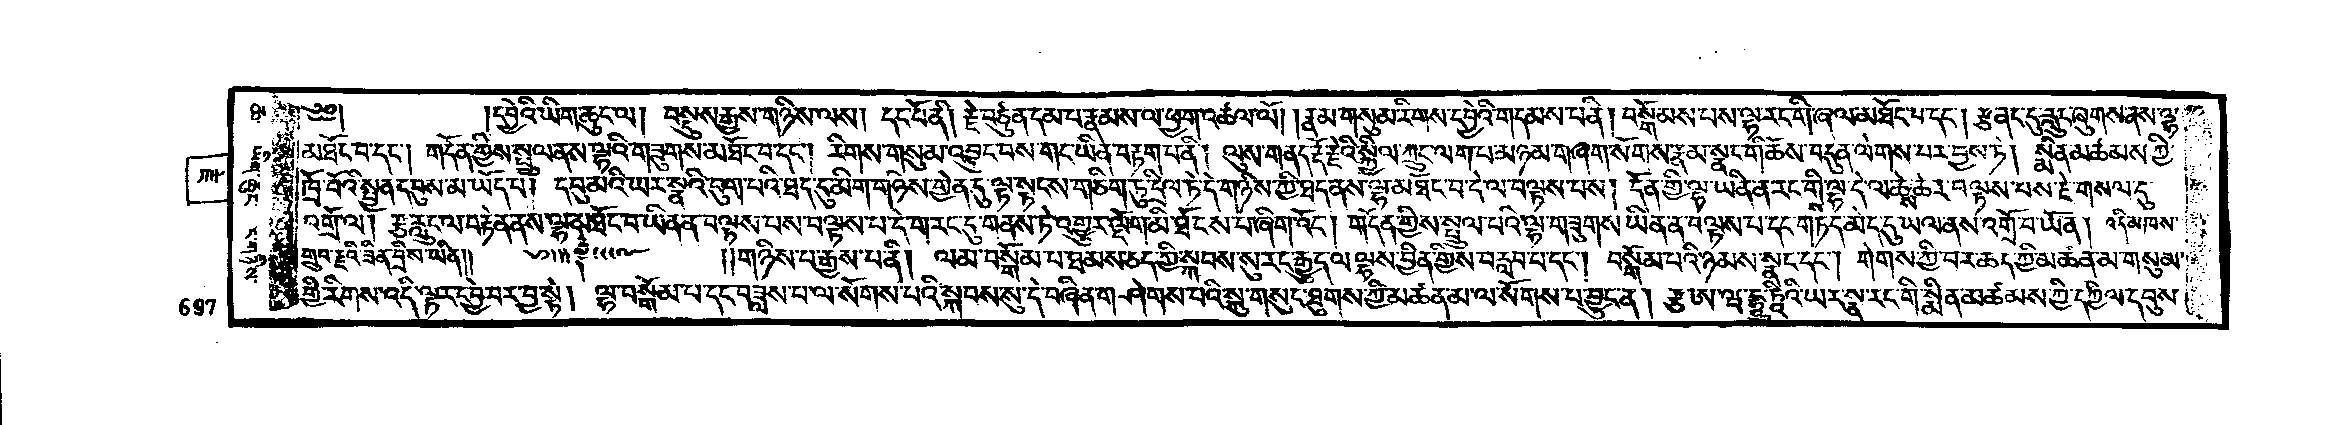༄༅། །དབྱེའི་ཡིག་ཆུང་ལ། བསྡུས་རྒྱས་གཉིས་ལས། དང་པོ་ནི། རྗེ་བཙུན་དམ་པ་རྣམས་ལ་ཕྱག་འཚལ་ལོ། །རྣམ་གསུམ་རིགས་དབྱེའི་གདམས་པ་ནི། བསྒོམས་པས་ལྷ་རང་གི་ཞལ་མཐོང་བ་དང་། རྩ་ནང་དུ་རླུང་ཞུགས་ནས་ལྷ་
མཐོང་བ་དང་། གདོན་གྱིས་སྤྲུལ་ནས་ལྷའི་གཟུགས་མཐོང་བ་དང་། རིགས་གསུམ་འབྱུང་བས་གང་ཡིན་བརྟག་པ་ནི། ལུས་གནད་རྡོ་རྗེའི་སྐྱིལ་ཀྲུང་ལག་པ་མཉམ་གཞག་སོགས་རྣམ་སྣང་གི་ཆོས་བདུན་ལེགས་པར་བྱས་ཏེ། སྨིན་མཚམས་ཀྱི་
ཁྲོ་བོའི་སྤྱན་དབུས་མ་ཡོད་པ། དབུ་མའི་ཡར་སྣའི་བུག་པའི་ཐད་དུ་མིག་གཉིས་གྱེན་དུ་ལྟ་སྟངས་གཅིག་ཏུ་དྲིལ་ཏེ་དེ་གཉིས་ཀྱི་ཐད་ནས་ལྷ་མཐོང་བ་དེ་ལ་བལྟས་པས། དོན་གྱི་ལྷ་ཡིན་ན་རང་གིས་ལྷ་དེ་ལ་ཆེས་ཆེར་བལྟས་པས་ཇེ་གསལ་དུ་
འགྲོ་ལ། རྩ་རླུང་ལ་བརྟེན་ནས་ལྷ་མཐོང་བ་ཡིན་ན་བལྟས་པས་བལྟས་པ་དེ་ག་རང་དུ་གནས་ཏེ་འགྱུར་ལྡོག་མི་ཐོངས་པ་ཞིག་འོང་། གདོན་གྱིས་སྤྲུལ་པའི་ལྷ་གཟུགས་ཡིན་ན་བལྟས་པ་དང་གཏད་མེད་དུ་ཡལ་ནས་འགྲོ་བ་ཡིན། འདི་མཁས་
གྲུབ་རྗེའི་ཟིན་བྲིས་ཡིན།། ༈ །།གཉིས་པ་རྒྱས་པ་ནི། ལམ་བསྒོམ་པ་ཐམས་ཅད་ཀྱི་སྐབས་སུ་རང་རྒྱུད་ལ་ལྷས་བྱིན་གྱིས་བརླབ་པ་དང་། བསྒོམ་པའི་ཉམས་སྣང་དང་། གེགས་ཀྱི་བར་ཆད་ཀྱི་མཚན་མ་གསུམ་
གྱི་རིགས་འདི་ལྟར་དབྱེ་བར་བྱ་སྟེ། ལྷ་བསྒོམ་པ་དང་བཟླས་པ་ལ་སོགས་པའི་སྐབས་སུ་དེ་བཞིན་གཤེགས་པའི་སྐུ་གསུང་ཐུགས་ཀྱི་མཚན་མ་ལ་སོགས་པ་བྱུང་ན། རྩ་ཨ་ཝ་དྷཱུ་ཏཱིའི་ཡར་སྣ་རང་གི་སྨིན་མཚམས་ཀྱི་དཀྱིལ་དབུས་